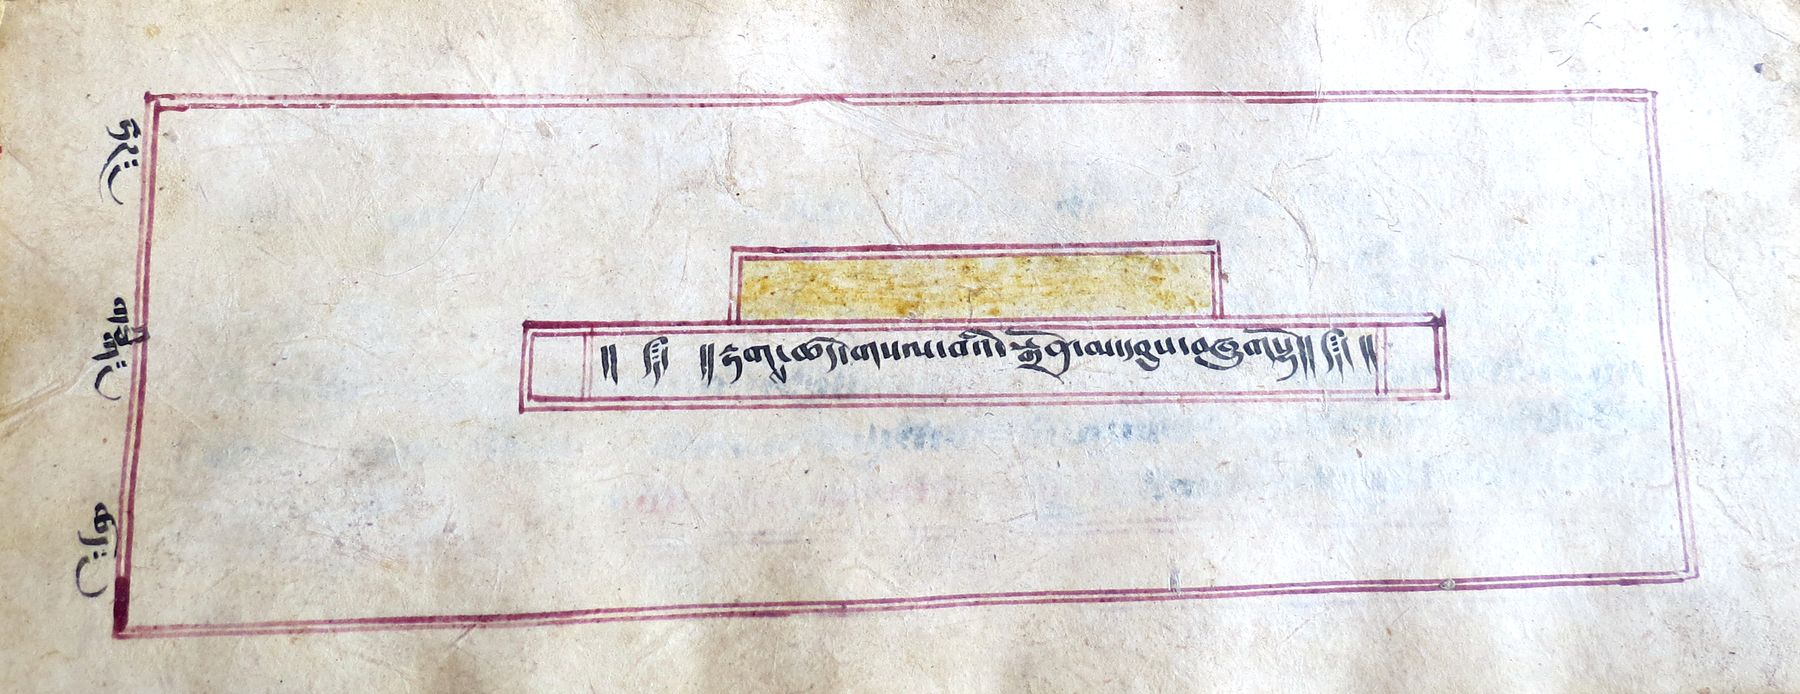རྟགས་ཚད་གསལ་བའི་སྒྲོན་མ་དབུས་བཞུགས་སོ། །